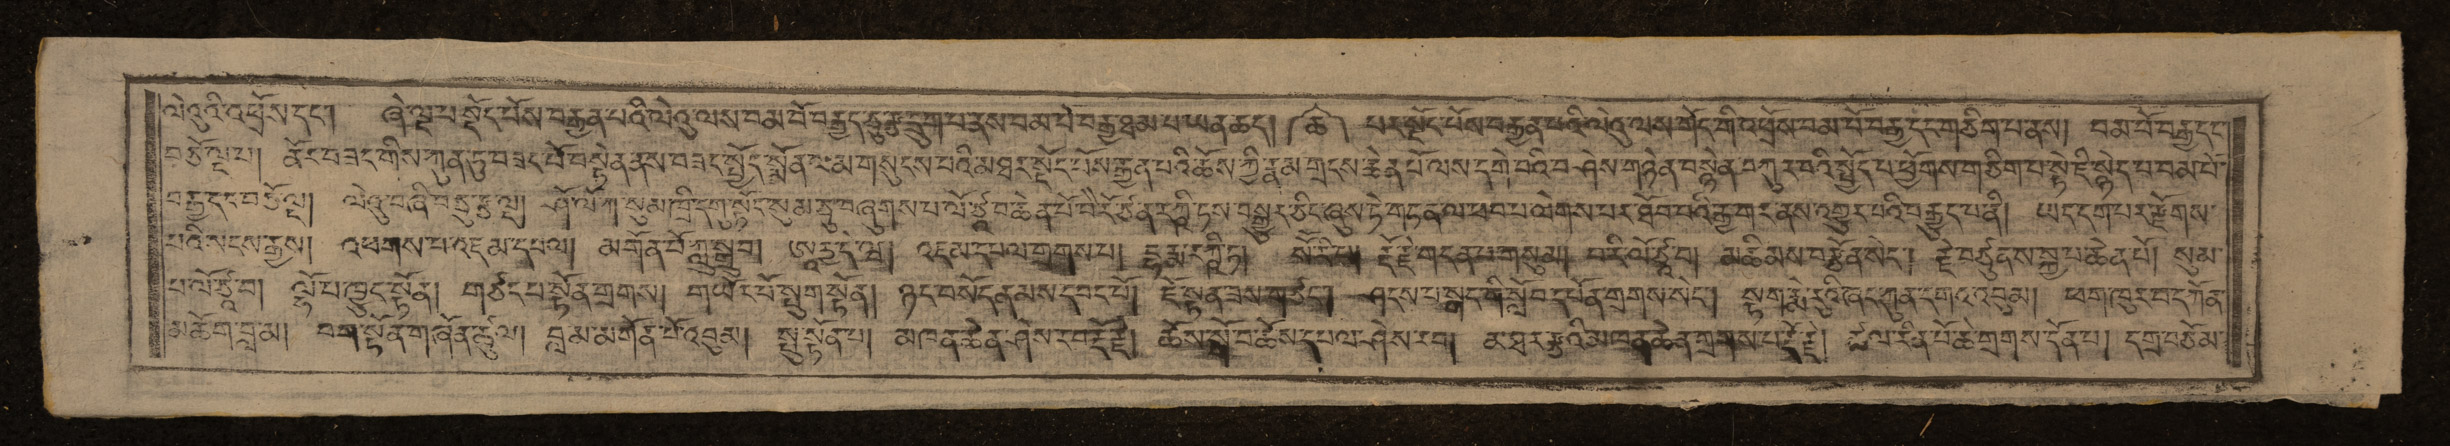ལེའུའི་འཕྲོས་དང་། ཞེ་ལྔ་བ་སྔོད་པོས་བརྒྱན་པའི་ལེའུ་ལས་བ་མ་བོ་བརྒྱད་ཅུ་རྩ་དྲུག་པ་ནས་བམ་པོ་བརྒྱ་ཐམ་པ་ཡན་ཆད། {ཆ}་པར་སྔོང་བོས་བརྒྱན་པའི་ལེའུ་ལས་གོང་གི་འཕྲོས་བམ་བོ་བརྒྱ་དང་གཅིག་པ་ནས། པམ་པོ་བརྒྱ་དང་
བཅོ་ལྔ་བ། ནོར་བཟང་གིས་ཀུན་ཏུ་བཟང་བོ་བསྟེན་ནས་བཟང་སྦྱོད་སྨོན་ལམ་གསུངས་པའི་མཐར་སྔོད་བོས་རྒྱན་པའི་ཆོས་ཀྱི་རྣམ་གྲངས་ཆེན་པོ་ལས་དགེ་བའི་བཤེས་གཉེན་བསྟེན་བཀུར་བའི་སྤྱོད་པ་ཕྱོགས་གཅིག་པ་སྟེ་ཇི་སྙེད་པ་བམ་པོ་
བརྒྱ་དང་བཅོ་ལྔ། ལེའུ་བཞི་བཅུ་རྩ་ལྔ། ཤོ་ལོ་ཀ་སུམ་ཁྲི་དགུ་སྟོང་སུམ་ཅུ་བཞུགས་པ་ལོ་ཙཱ་བ་ཆེན་པོ་བཻ་རོ་ཙན་ཏཀྵི་ཏས་བསྒྱུར་ཅིང་ཞུས་ཏེ་གདན་ལ་ཕབ་པ་ལེགས་པར་ཐོབ་པའི་རྒྱ་གར་ནས་འགྱུར་པའི་བརྒྱུད་པ་ནི། ཡང་དག་པར་རྫོགས་
པའི་སངས་རྒྱས། འཕགས་པ་འཇམ་དཔལ། མགོན་པོ་ཀླུ་སྒྲུབ། ཨཱ་རྱ་དེ་ཝ། འཇམ་དཔལ་གྲགས་པ། དྷ་རྨ་རཀྵི་ཏ། སཽ་རི་བ། རྡོ་རྗེ་གདན་པ་གསུམ། བ་རི་ལོ་ཙཱ་བ། མཆི་མས་བརྩོན་སེང་། རྗེ་བཙུན་ས་སྐྱ་བ་ཆེན་པོ། སུམ་
པ་ལོ་ཙཱ་བ། ལྷོ་བ་ཁྱུད་སྟོན། གཙང་བསྟོན་གྲགས། གཡོར་བོ་སྦུག་སྟོན། ཉང་བསོད་ནམས་དབང་བོ། ཇོ་སྟན་ཟས་གཙང་། ཤངས་པ་སྒང་གི་སློབ་དཔོན་གྲགས་སེང་། སྟག་རྨེ་རུའི་ནད་ཀུན་དགའ་འབུམ། ཕ་ཁུར་བ་དཀོན།
མཆོག་བླ་མ། བག་སྟོན་གཞོན་ཚུལ། བླ་མ་མགོན་པོ་འབུམ། སྦུ་སྟོན་པ། མཁན་ཆེན་ཤེས་རབ་རྡོ་རྗེ། ཆོས་སྒོ་བ་ཆོས་དཔལ་ཤེས་རབ། མཐར་རྩའི་མཁན་ཆེན་གྲགས་པ་རྡོ་རྗེ། ཚལ་རིན་པོ་ཆེ་གྲགས་དོན་པ། དགྲ་བཅོམ་